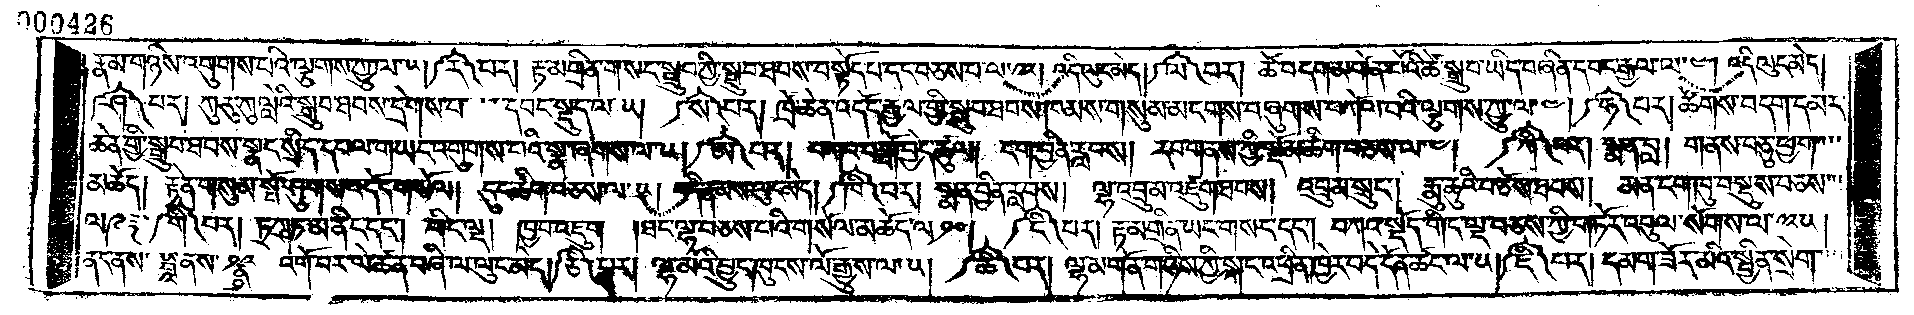རྣམ་གཉིས་འགུགས་པའི་ལྕགས་ཀྱུ་ལ ༥། ༼ར༽ པར། རྟ་མགྲིན་གསང་སྒྲུབ་ཀྱི་སྒྲུབ་ཐབས་བསྟོད་པ་དང་བཅས་པ་ལ ༣། འདི་ལུང་མེད། ༼ལ༽ པར། ཚེ་བདག་མགོན་པོའི་ཚེ་སྒྲུབ་ཡིད་བཞིན་དབང་རྒྱལ་ལ༤། འདི་ལུང་མེད།
༼ཤ༽ པར། ཀུ་རུ་ལླེའི་སྒྲུབ་ཐབས་དྲེགས་པ་དབང་སྡུད་ལ༥། ༼ས༽ པར། ཁྲོ་ཆེན་འདོད་རྒྱལ་གྱི་སྒྲུབ་ཐབས་ཁམས་གསུམ་མང་གས་བཞུགས་བཀོལ་བའི་ལྕགས་ཀྱུ་ལ༤། ༼ཧ༽ པར། ཚོགས་བདག་དམར་
ཆེན་གྱི་སྒྲུབ་ཐབས་སྣང་སྲིད་དང་དཔལ་གཡང་འགུགས་པའི་སྣ་ཞགས་ལ ༥། ༼ཨ༽ པར། བཀའ་བསྒོ་བྱེད་ཚུལ། ངག་བྱིན་རླབས། རབ་གནས་ཀྱི་སྡོམ་ཚིག་བཅས་ལ ༤། ༼ཀི༽ པར། སྨན་བླ། གནས་བཅུ་ཕྱག་
མཆོད། རྟེན་གསུམ་སྤོ་ཤུགས་འདོད་གསོལ། དྲུང་ཚིག་བཅས་ལ ༥། འདི་རྣམས་ལུང་མེད། ༼ཁི༽ པར། སྨན་བྱིན་རླབས། ལྷ་འབྲུམ་འཛུག་ཐབས། འབྲུམ་སྲུང་། རྨུ་ཆུའི་བཅོས་ཐབས། མན་ངག་ཁུ་བསྡུས་བཅས་
ལ༩༑ ༼གི༽ པར། ཏྲ་ཀྵཏ་མ་ནིང་དང་། གིང་ལྔ། ཁྱབ་འཇུག །ཐང་ལྷ་བཅས་པའི་གསོལ་མཆོད་ལ ༡༠། ༼ངི༽ པར། རྟ་མགྲིན་ཡང་གསང་དང་། བཀའ་སྡོད་གིང་ལྔ་བཅས་ཀྱི་གཏོར་འབུལ་སོགས་ལ ༣༥།
ནང་ནས ༥བ༢་ནས ༡༢ན༡་འགོ་བར་ལེ་ཚན་གཞི་ལ་ལུང་མེད། ༼ཅི༽ པར། ལྷ་མོའི་བྱུང་ཁུངས་ལོ་རྒྱུས་ལ ༥། ༼ཆི༽ པར། ལྷ་མགོན་གཉིས་ཀྱི་སྐང་འཕྲིན་ཁྱེར་བདེ་དོན་ཚང་ལ ༥། ༼ཇི༽ པར། དམག་ཟོར་མའི་སྦྱིན་སྲེག་